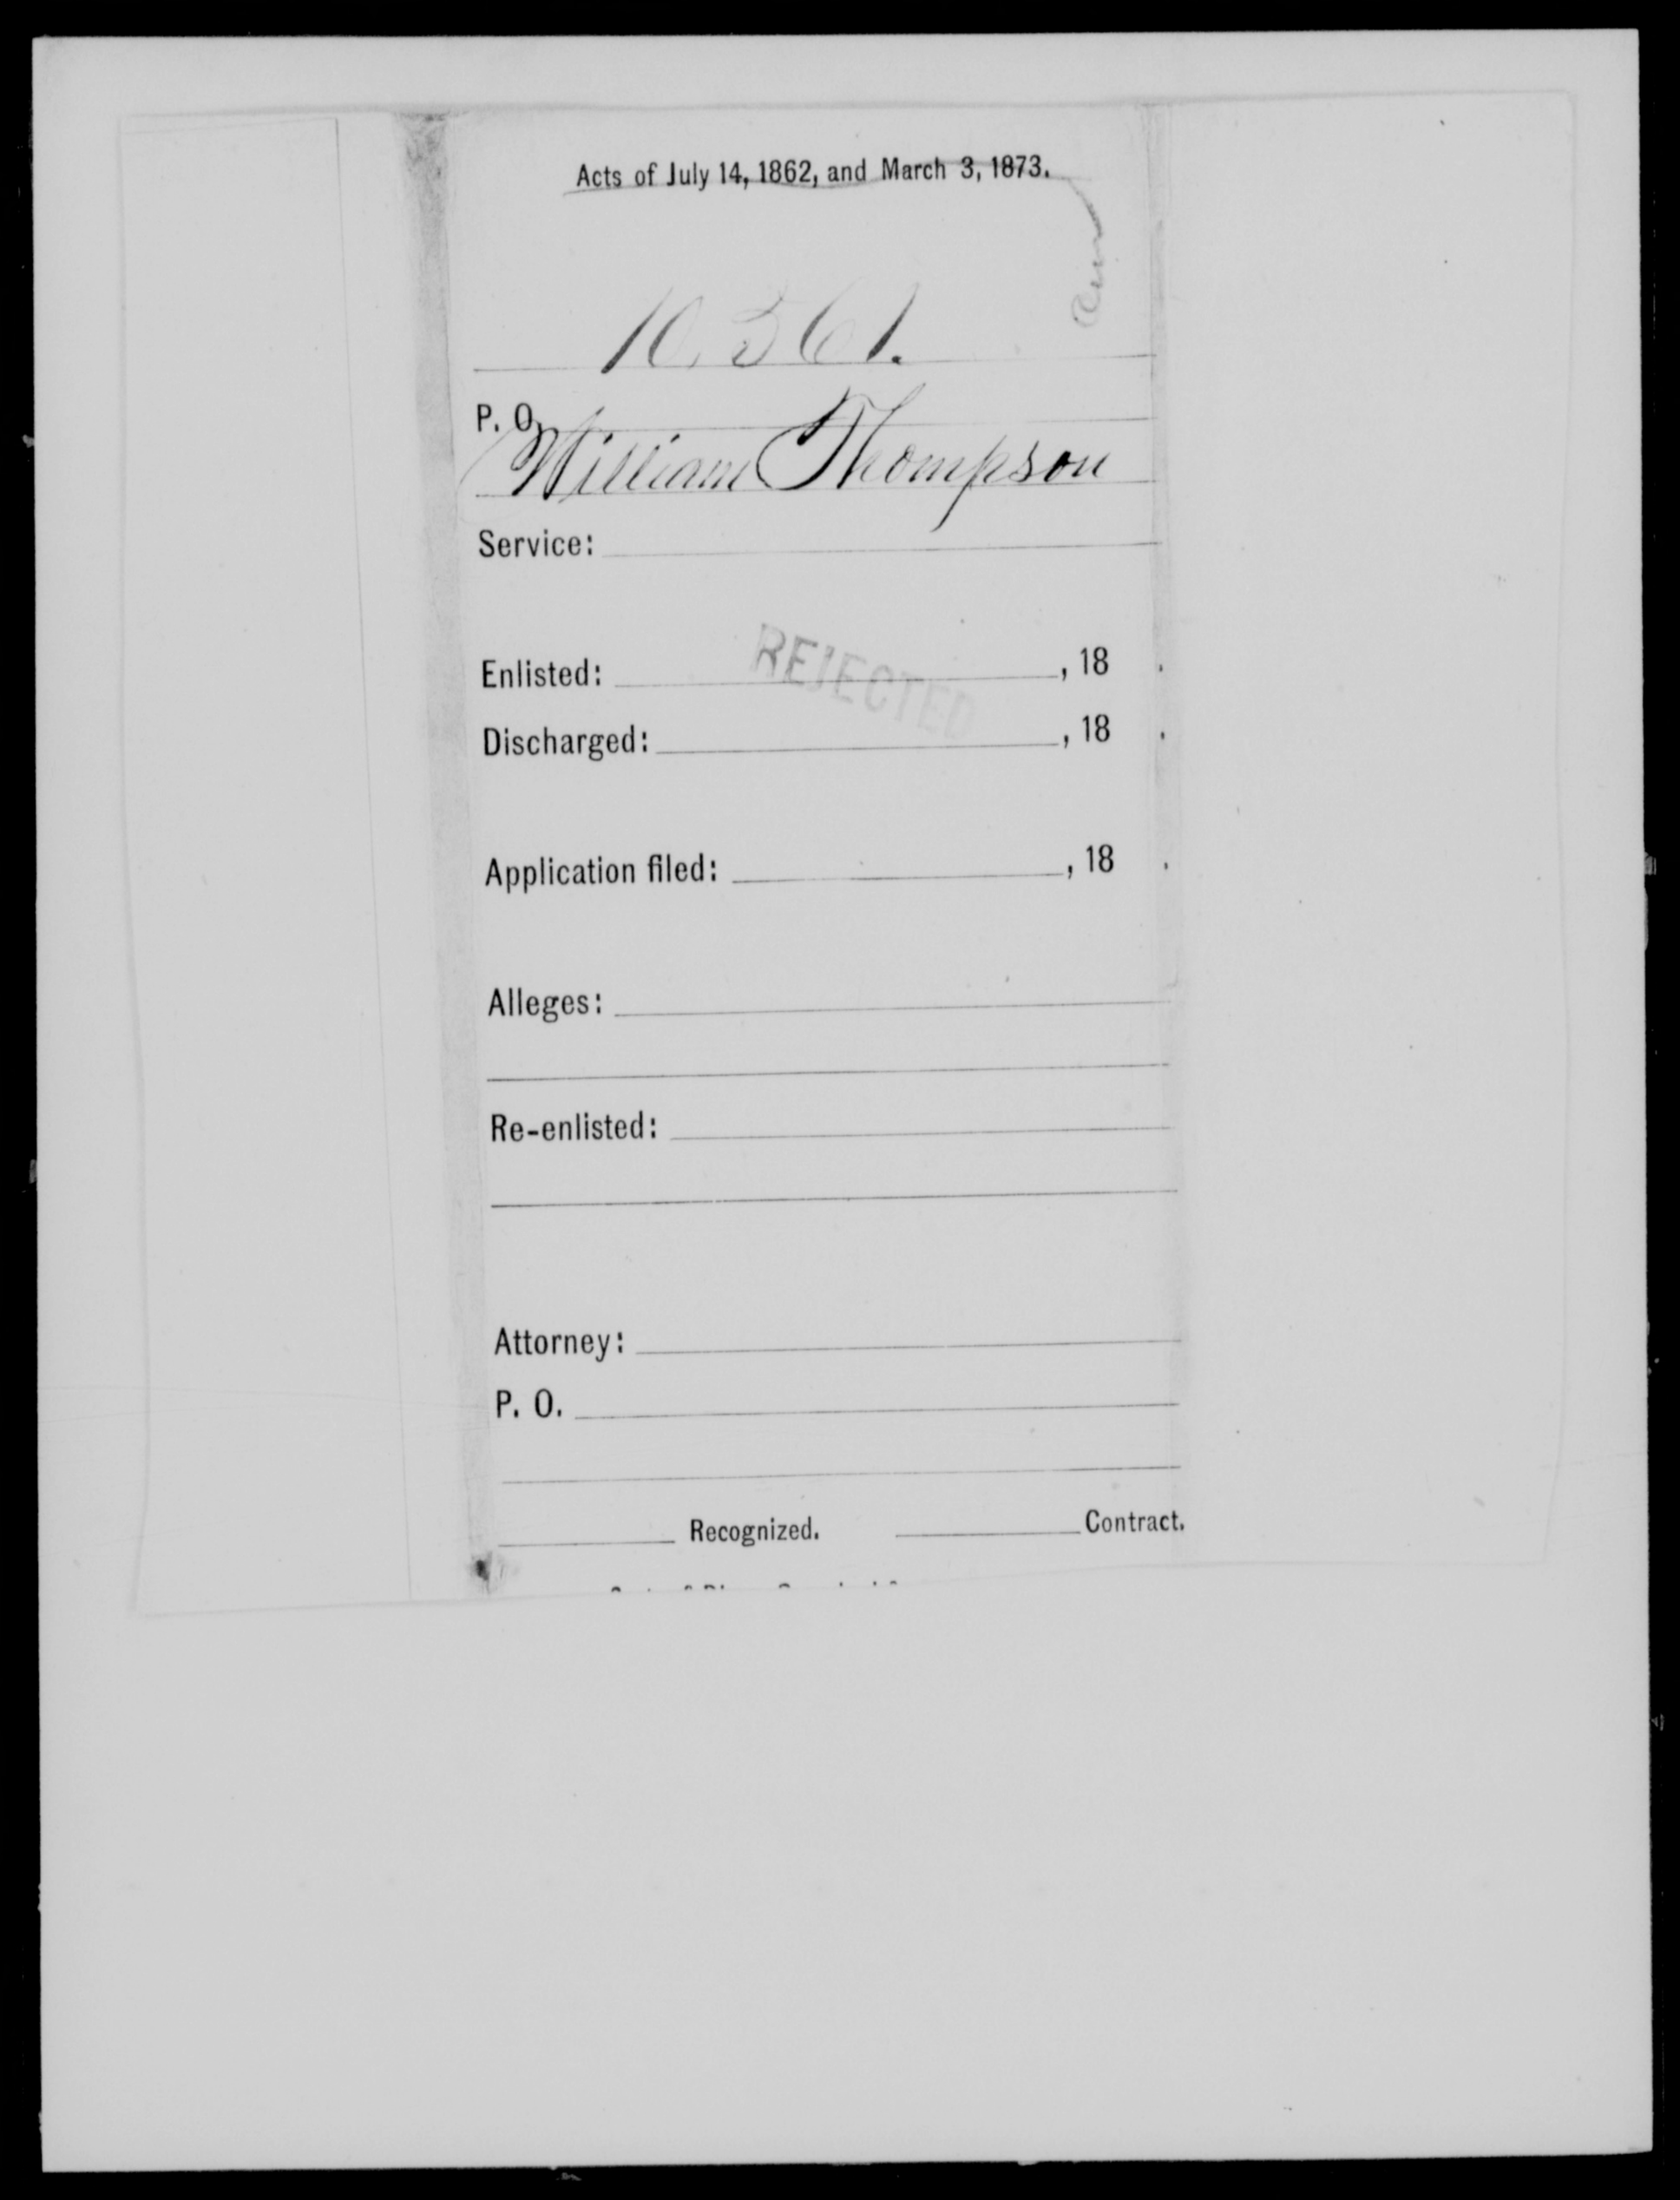10.361

P.O.
 William Thompson

Service:

REJECTED

Enlisted:                   , 18
Discharged:            , 18
Application filed:   , 18

Alleges:  

Re-enlisted:


Attorney: 
P. O. _
_____Recognized.   _____Contract.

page: 12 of 16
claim: rejected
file: R. 10561, for William Thompson, South Carolina